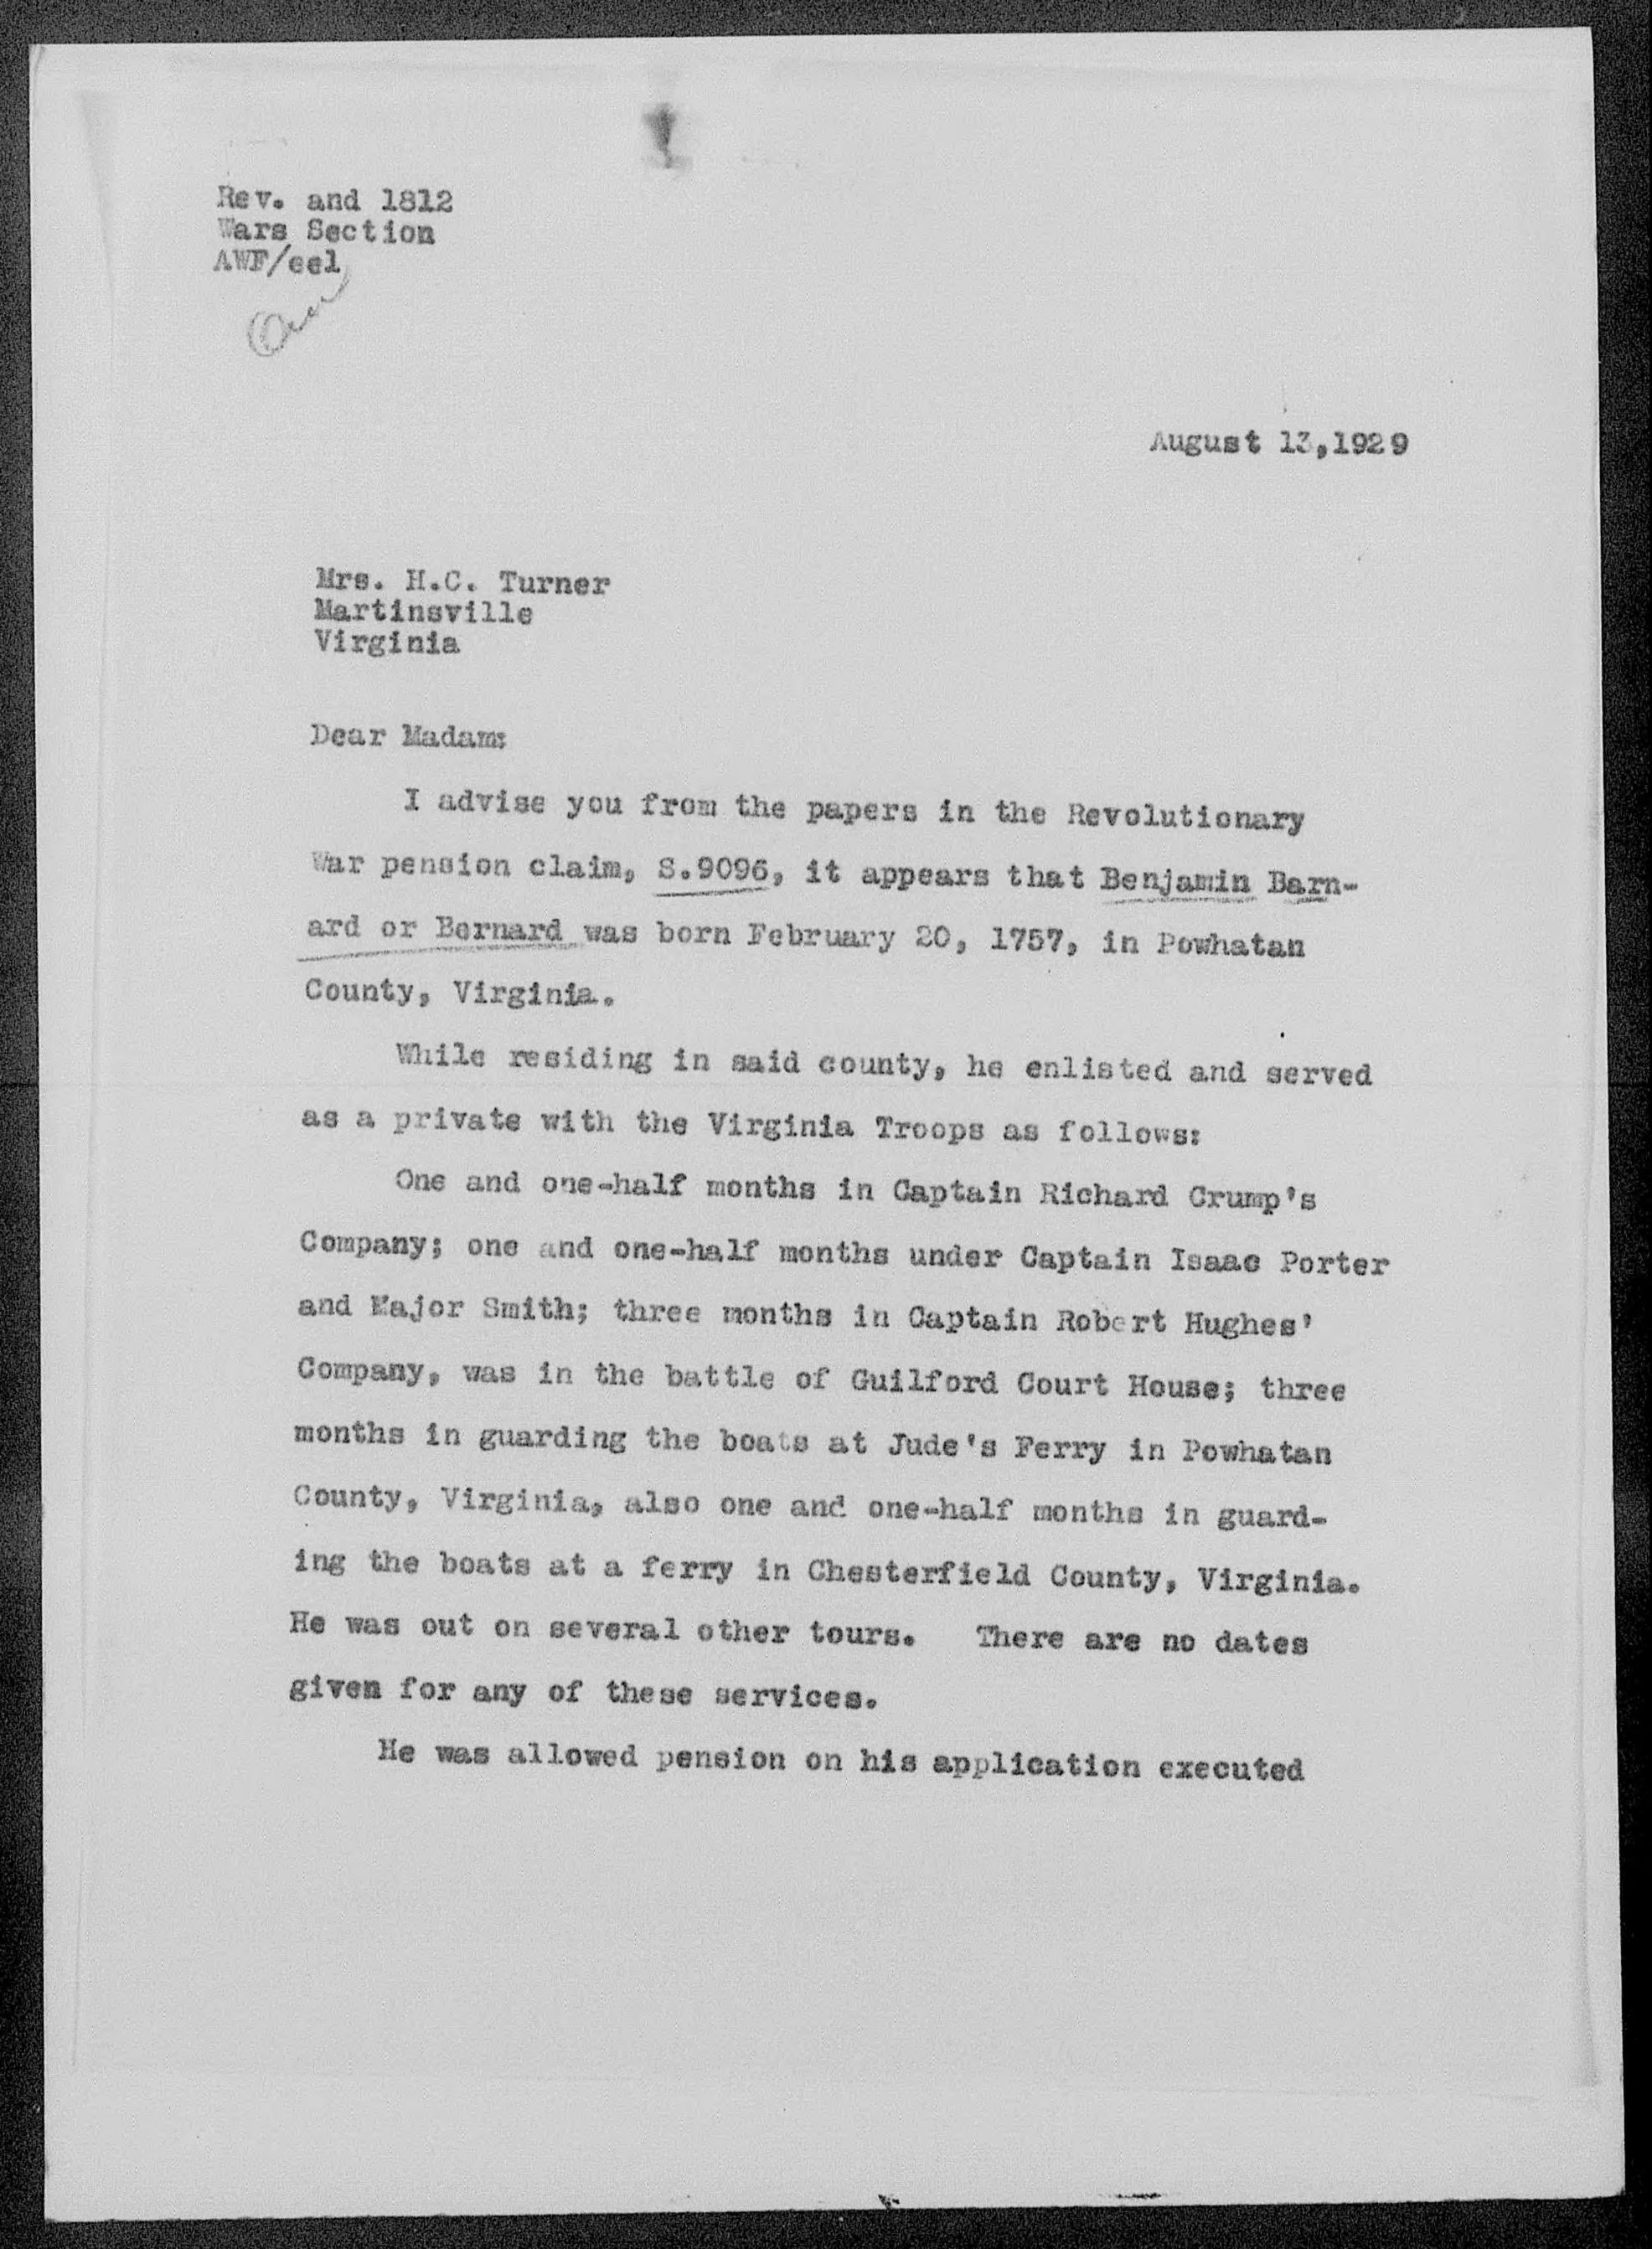August 13, 1929

Mrs. H.C. Turner
Martinsville
Virginia

Dear Madam
     I advise you from the papers in the Revolutionary War pension claim, S. 9096, it appears that Benjamin Barnard or Bernard was born February 20, 1757, in Powhatan county, Virginia.
     While residing in said county, he enlisted and served as a private with the Virginia troops as follows:  One and one-half months in Captain Richard Crump's Company;  one and one-half months under Captain Isaac Porter and Major Smith;  three months in Captain Robert Hughes' Company, was in the battle of Guilford Court House;  three months in guarding the boats at Jude's Ferry in Powhatan County, Virginia, also one and one-half months in guarding the boats at the ferry in Chesterfield County, Virginia.  He was out on several other tours.  There are no dates given for any of these services.  He was allowed pension on his application executed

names: Benjamin Bernard, Smith, Isaac Porter, H C Turner, Benjamin Barnard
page: 6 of 18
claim: survivor's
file: S. 9096, Benjamin Barnard, Va.